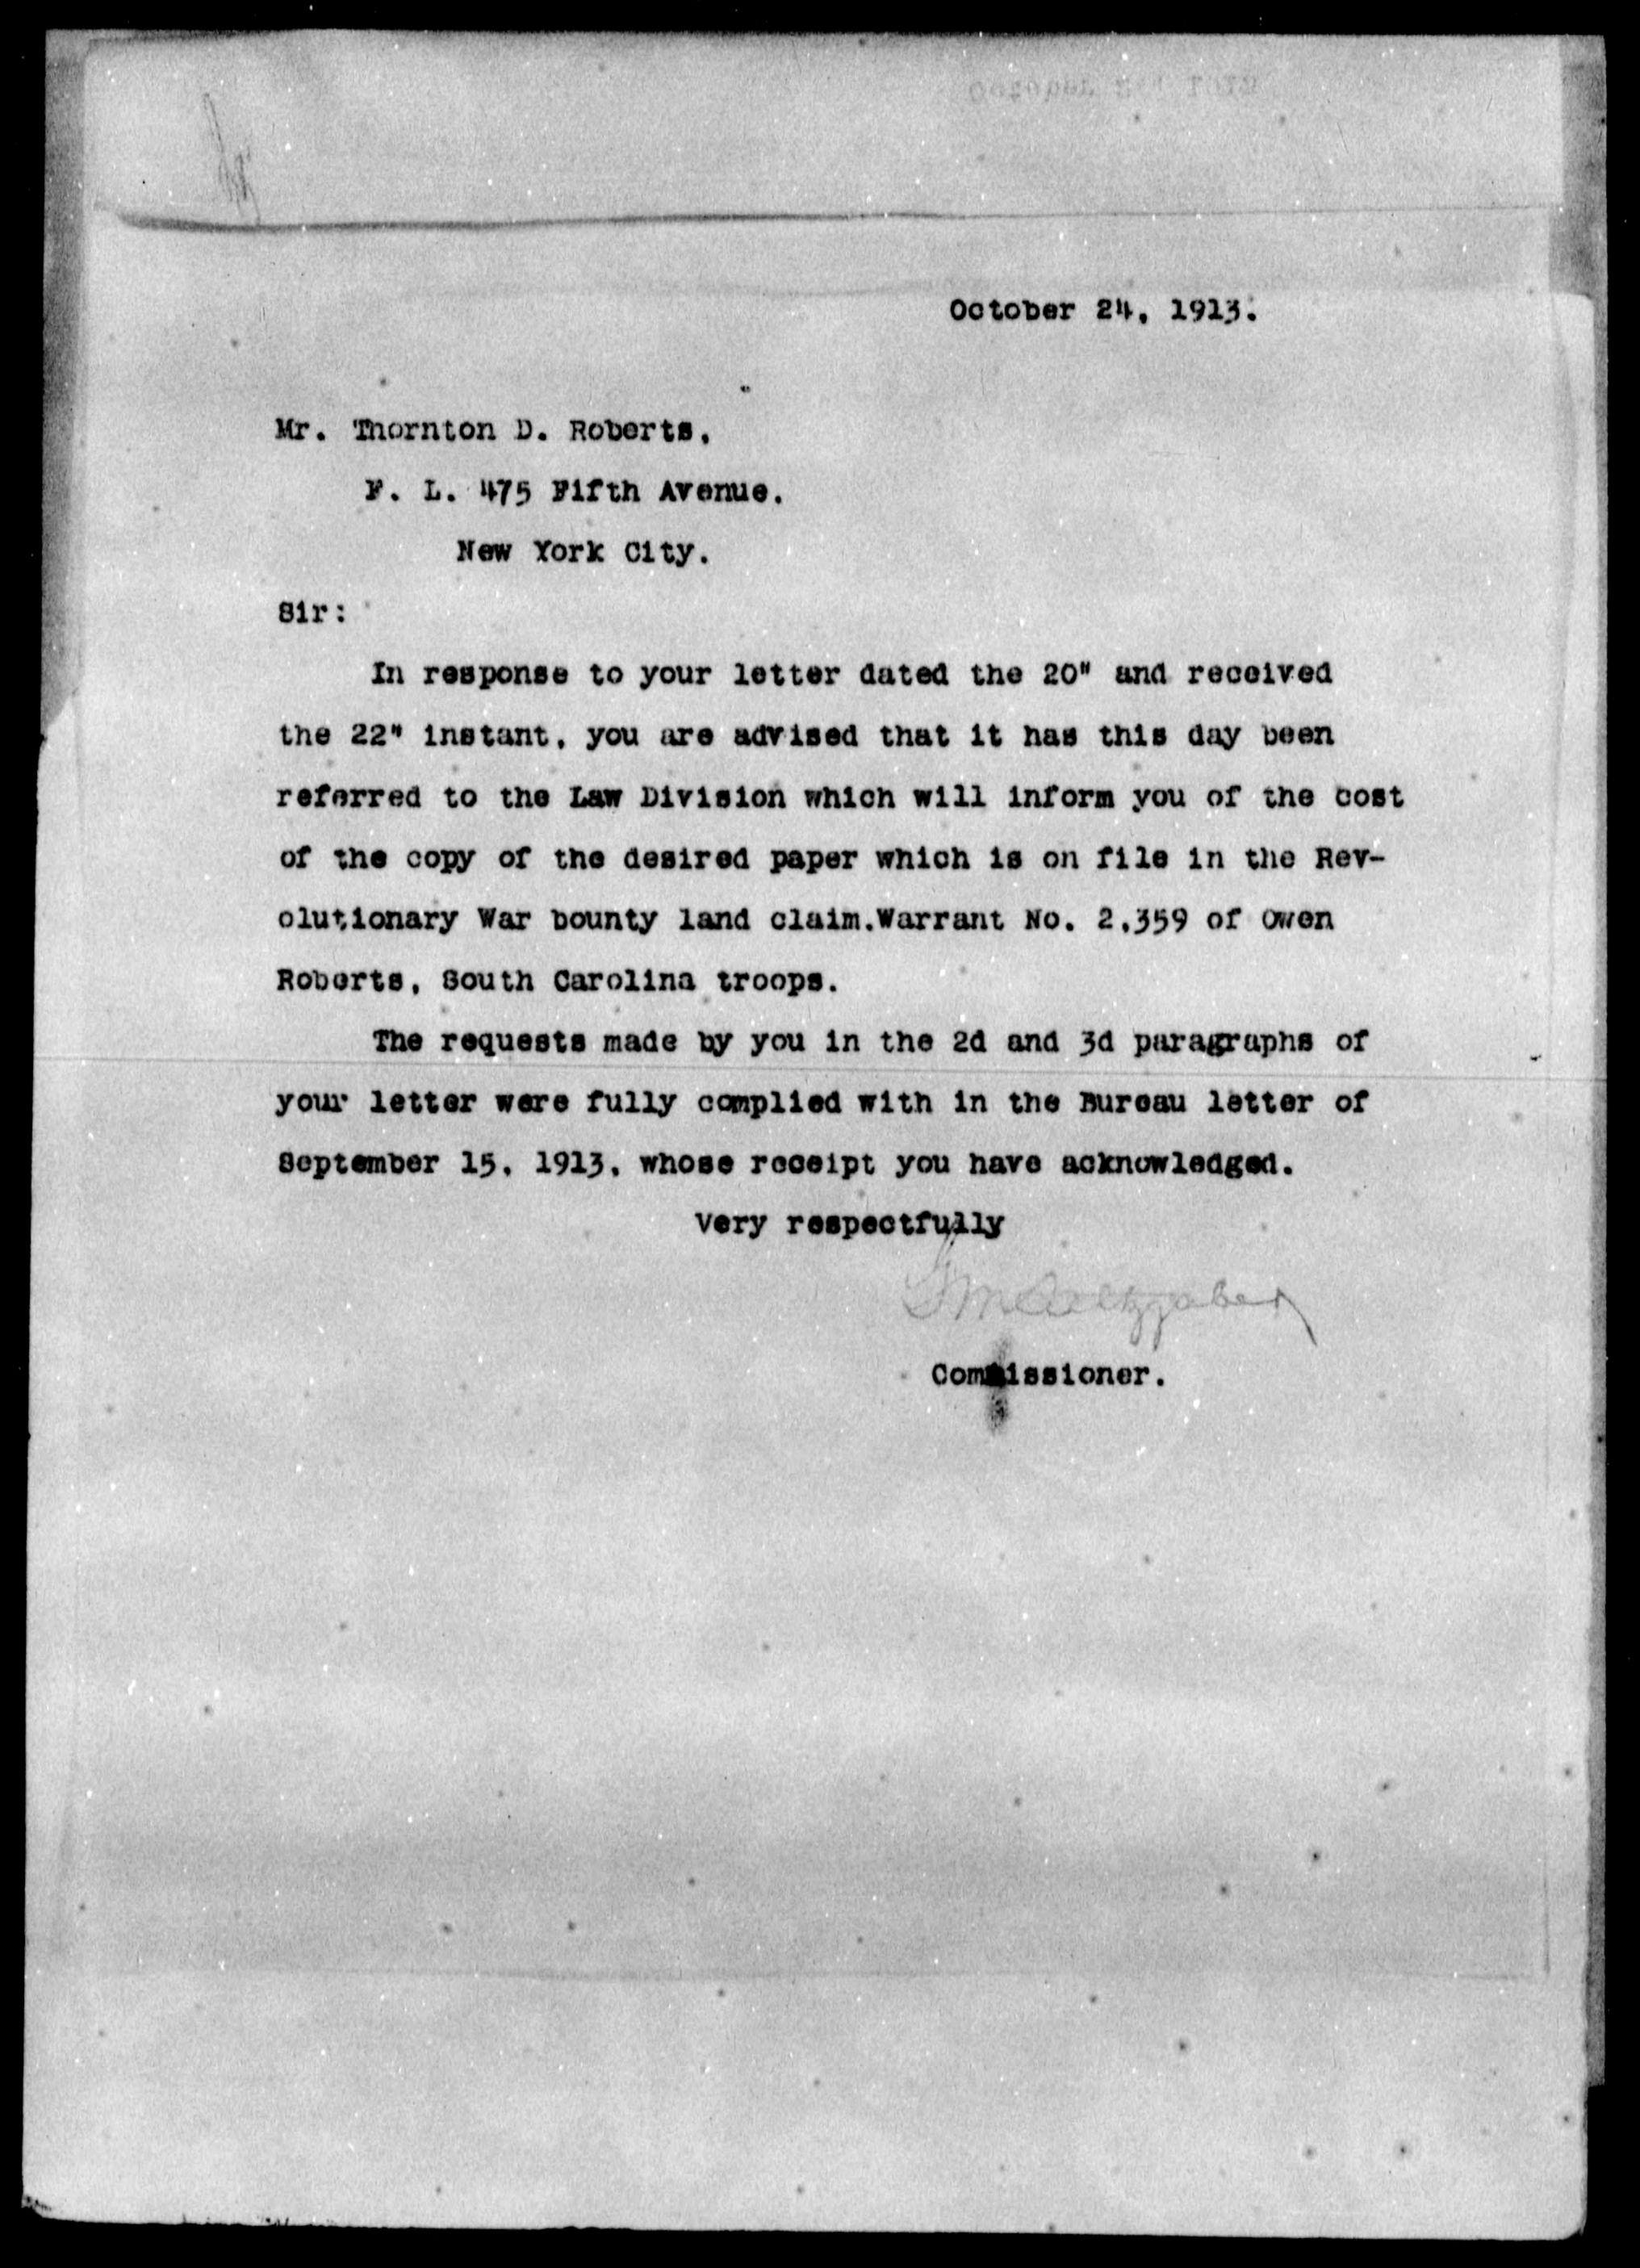October 24, 1913.

Mr. Thornton D.  Roberts
F.L. 475 Fifth Avenue.
New York City.

Sir:

In response to your letter dated the 20" and received
the 22" instant, you are advised that it has this day been
referred to the Law Division which will inform you of the cost
of the copy of the desired paper which is on file in the 
Revolutionary War bounty land claim, Warrant No. 2,359 of Owen
Roberts, South Carolina troops.

The requests made by you in the 2d and 3d paragraphs of 
your letter were fully complied with in the Bureau letter of 
September 15, 1913, whose receipt you have acknowledged.

Very respectfully,

G M Saltzgaber
Commissioner.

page: 19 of 59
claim: bounty land warrant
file: B.L.Wt. 2359-500, for Owen Roberts, South Carolina